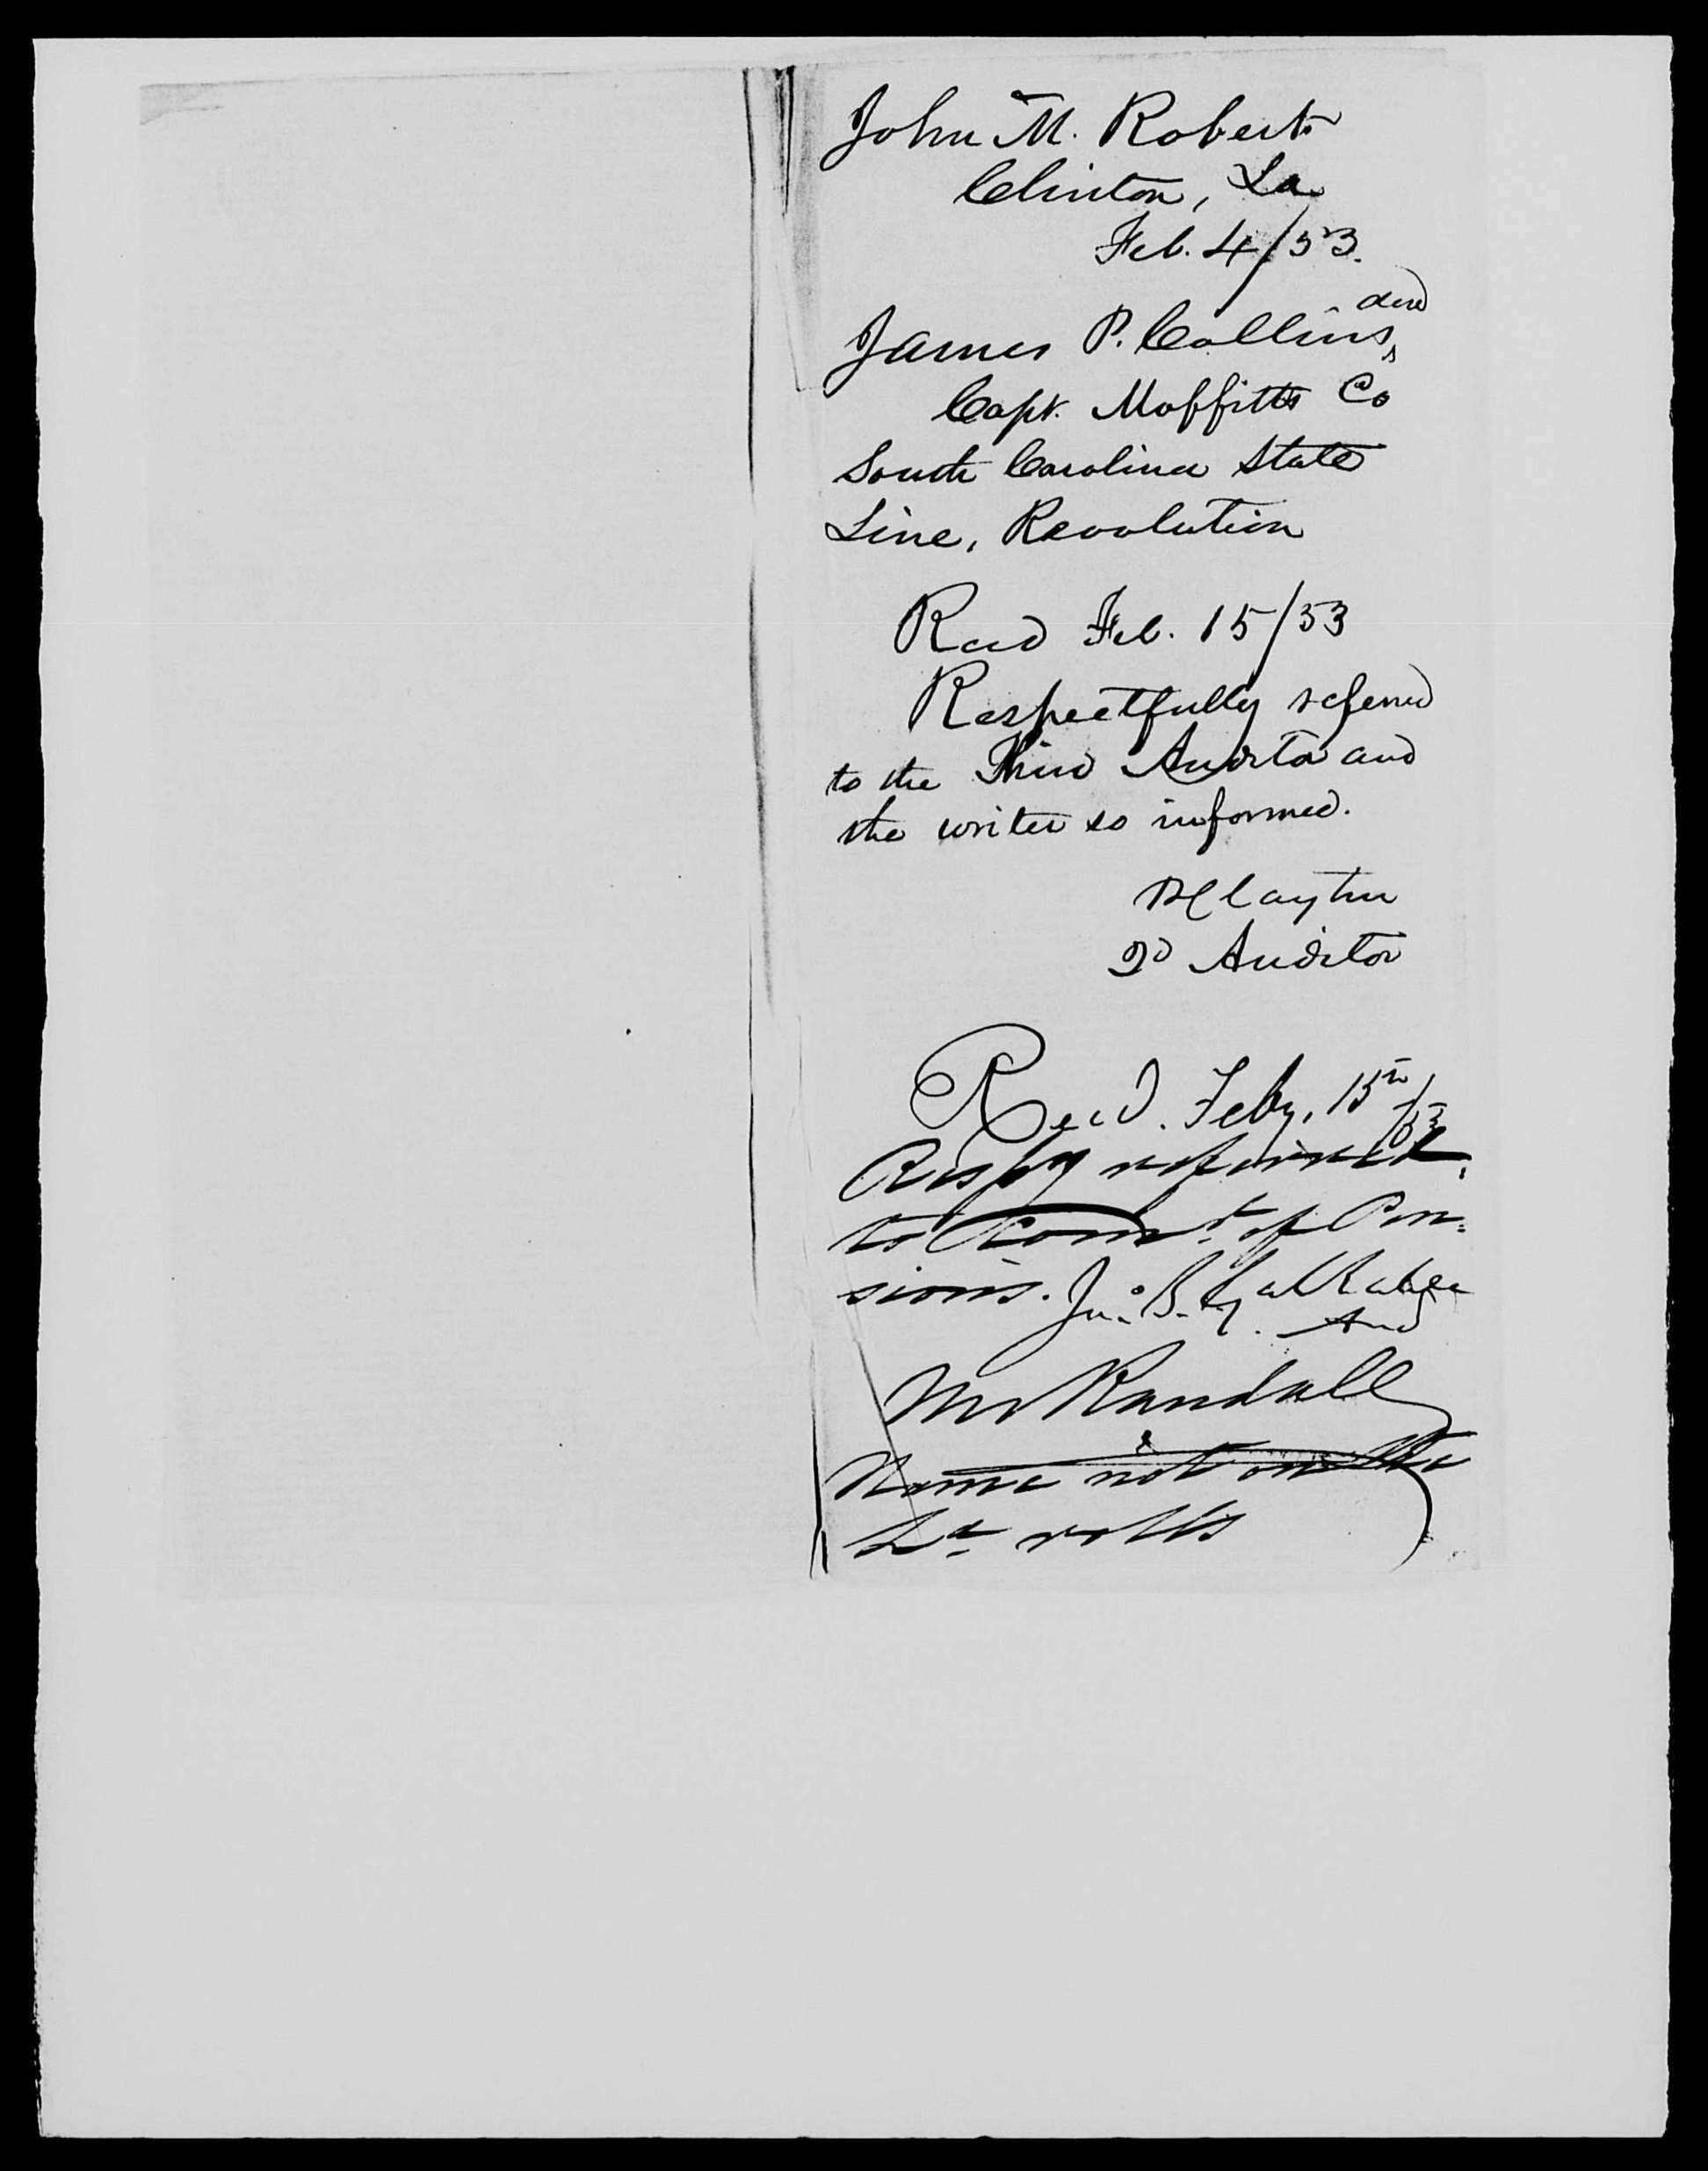John M. Robert
Clinton, La
Feb. 4/53
James P. Collins decd
Capt Moffitts Co
South Carolina State
Line, Revolution
Rced Feb. 15 /53
Respectfully refered
to the Third Auditor and
the writer so informed.
P Clayton
2d Auditor
Recd Feby, 15th/33
Respty informed to 
Com of Pen
sions Jim B. Gallaber and 

Mr Randall
name not on the
La rolls.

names: John M Roberts, Randall, James P Collins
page: 21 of 48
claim: rejected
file: R. 2173, James P Collins, S. C.